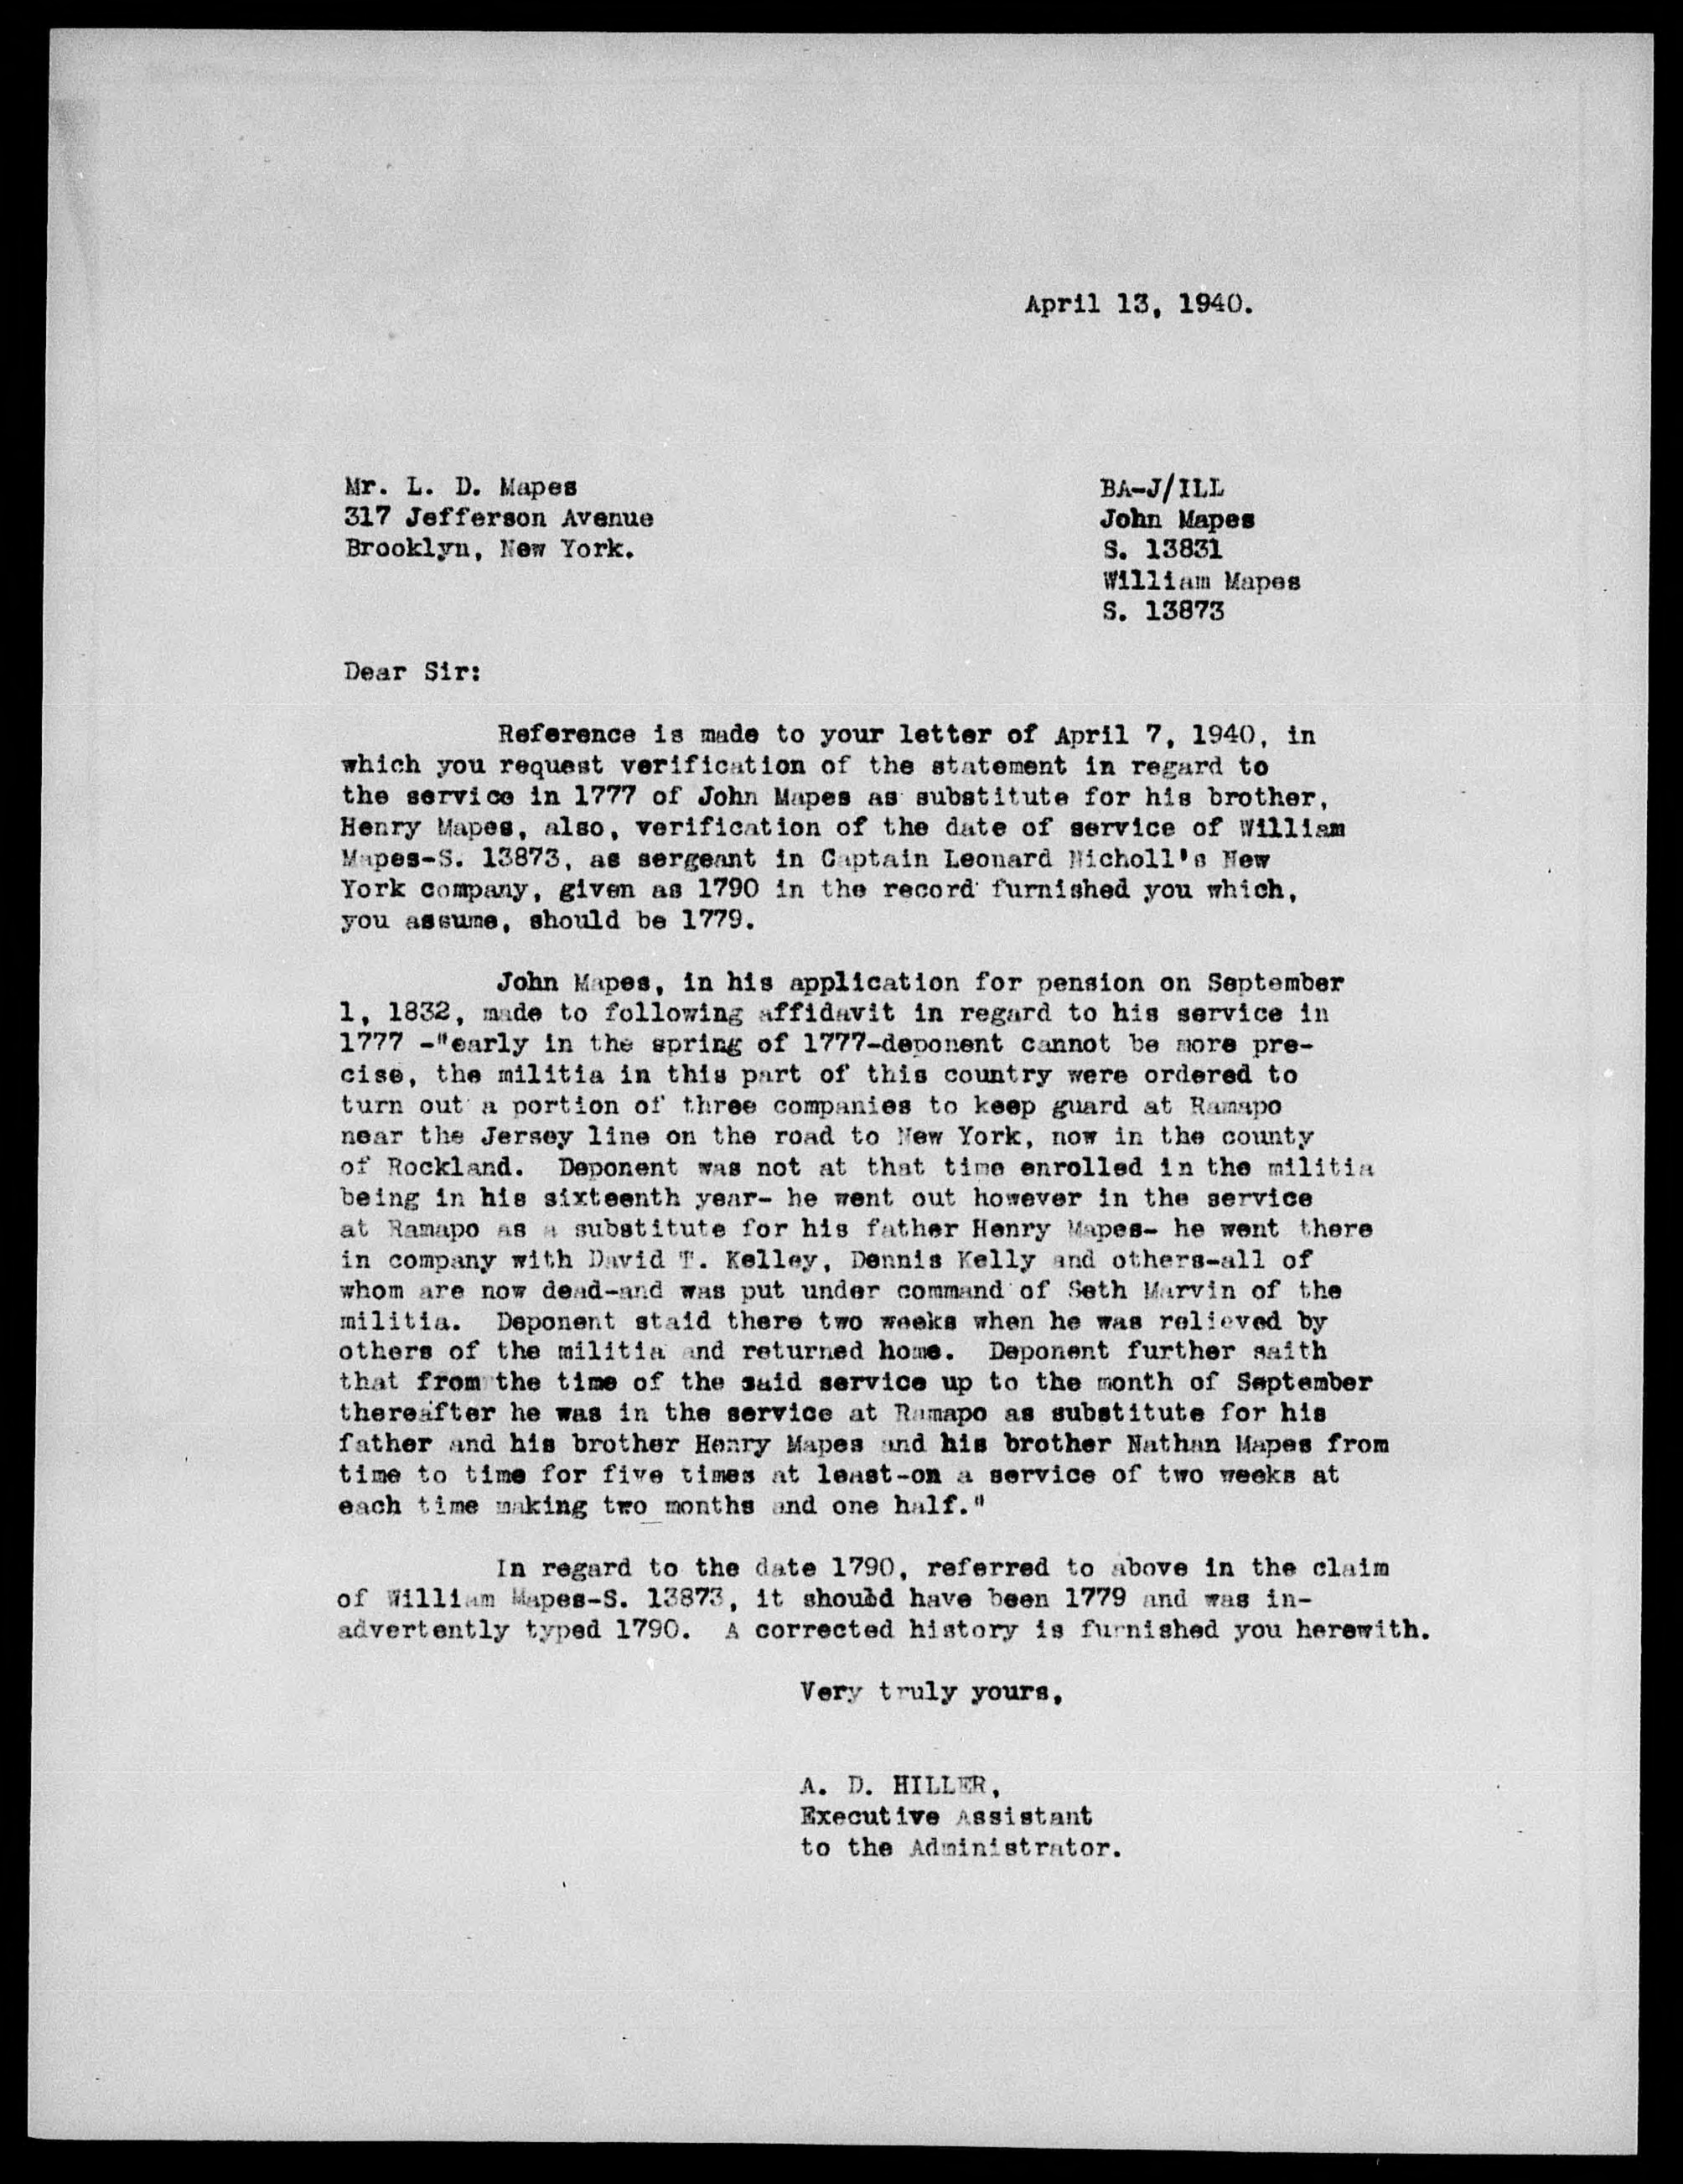April 13, 1940

BA-J/ILL 
John Mapes 
S. 13831 
William Mapes 
S. 13873 

Mr. L. D. Mapes 
317 Jefferson Avenue 
Brooklyn, New York. 

Dear Sir:

Reference is made to your letter of April 7, 1940, in which you request verification of the statement in regard to the service in 1777 of John Mapes as substitute for his brother, Henry Mapes, also, verification of the date of service of William Mapes-S. 13873, as sergeant in Captain Leonard Nicholl's New York company, given as 1790 in the record furnished you which, you assume, should be 1779. 

John Mapes, in his application for pension on September 1, 1832, made to following affidavit in regard to his service in 1777 -- "early in the spring of 1777 - deponent cannot be more precise , the militia in this part of this country were ordered to turn out a portion of three companies to keep guard at Ramapo near the Jersey line on the road to New York, now in the county of Rockland. Deponent was not at that time enrolled in the militia being in his sixteenth year -  he went out however in the service at Ramapo as a substitute for his father Henry Mapes  - he went there in company with David T. Kelley, Dennis Kelly and others -- all of whom are now dead -- and was put under command of Seth Marvin of the militia. Deponent staid there two weeks when he was relieved by others of the militia and returned home. Deponent further saith that from the time of the said service up to the month of September thereafter he was in the service at Ramapo as substitute for his father and his brother Henry Mapes and his brother Nathan Mapes from time to time for five times at least -- on a service of two weeks at each time making two months and one half." 

In regard to the date 1790, referred to above in the claim of William Mapes-S. 13873, it should have been 1779 and was inadvertently typed 1790. A corrected history is furnished you herewith. 

Very truly yours, 

A. D. HILLER, 
Executive Assistant 
to the Administrator.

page: 24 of 30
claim: survivor's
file: S. 13,873, for William Mapes, New York